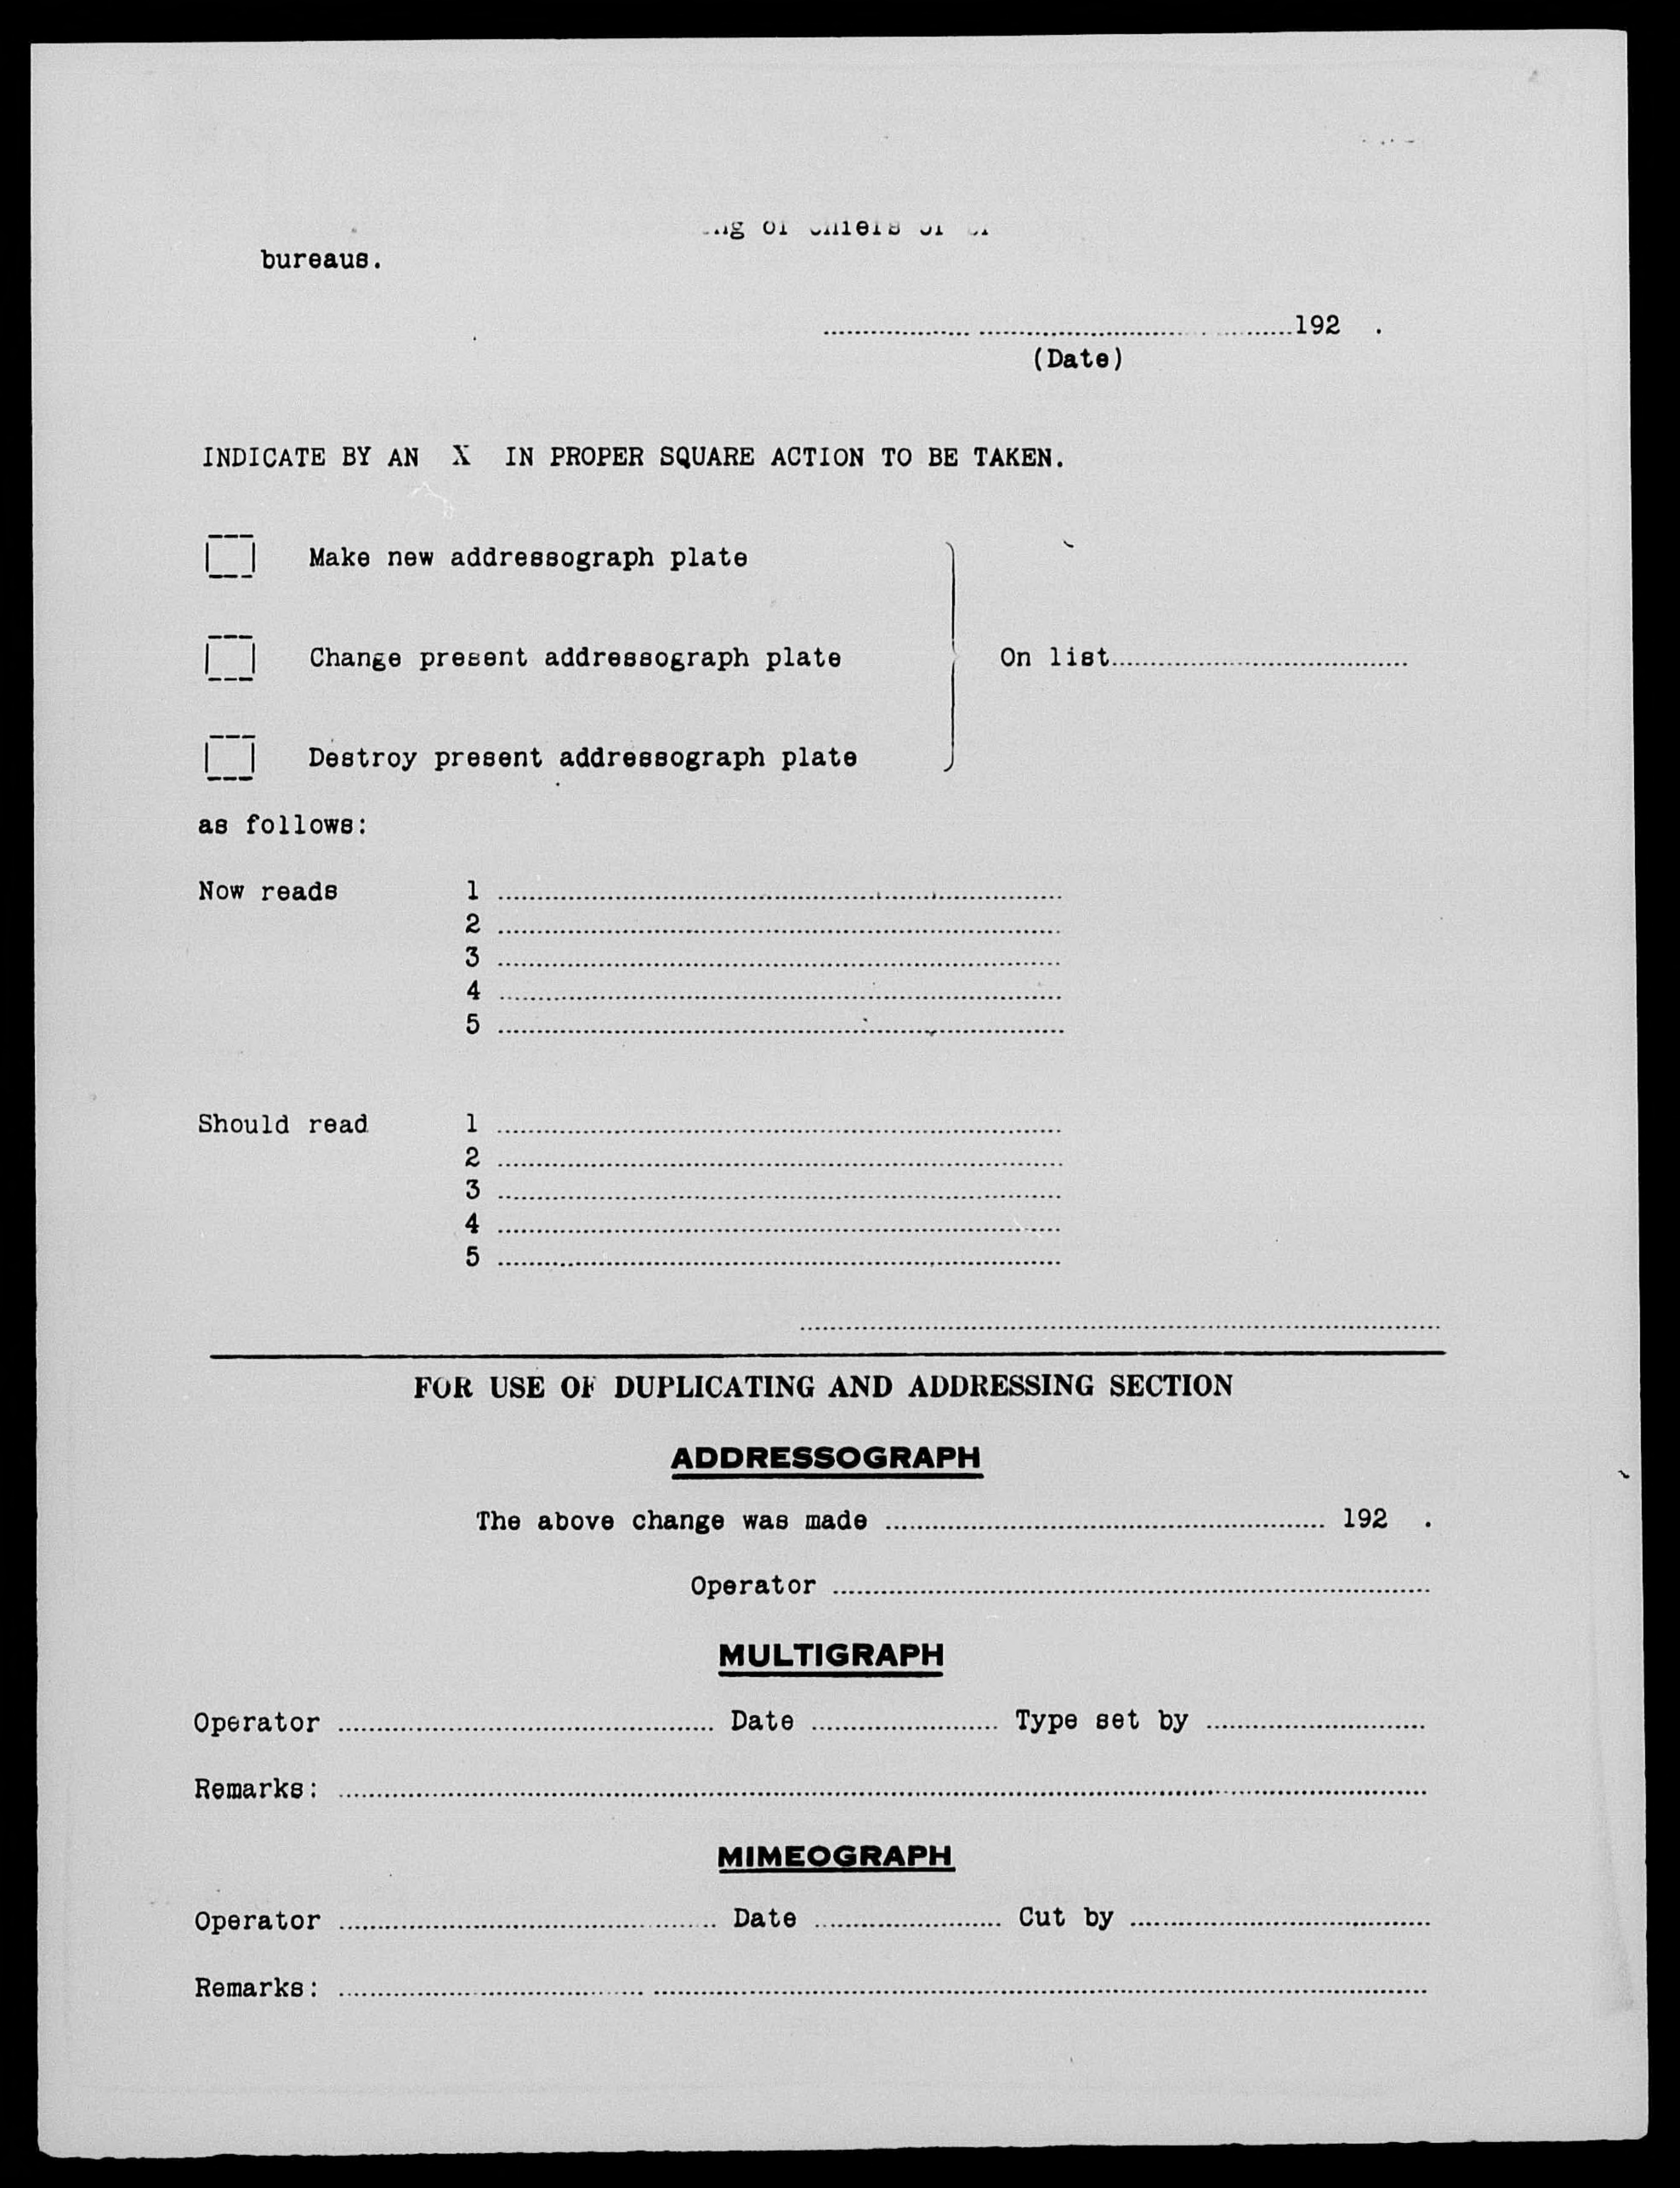bureaus.
of this ┃
( Date )192
INDICATE BY AN X IN PROPER SQUARE ACTION TO BE TAKEN.
Make new addressograph plate }  
Change present addressograph plate}  On list.
Destroy present addressograph plate}
as follows:
Now reads
1
2
3
4
5
Should read 
1
2
3
4
5


FOR USE OF DUPLICATING AND ADDRESSING SECTION
ADDRESSOGRAPH
The above change was made --------- 182 
Operator
MULTIGRAPH
Operator               Date                Type Set by 
Remarks ----------------------------------

MIMEOGRAPH
Operator           Date          Cut  by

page: 45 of 46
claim: widow's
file: W. 23,673, John Brisler, Mass.